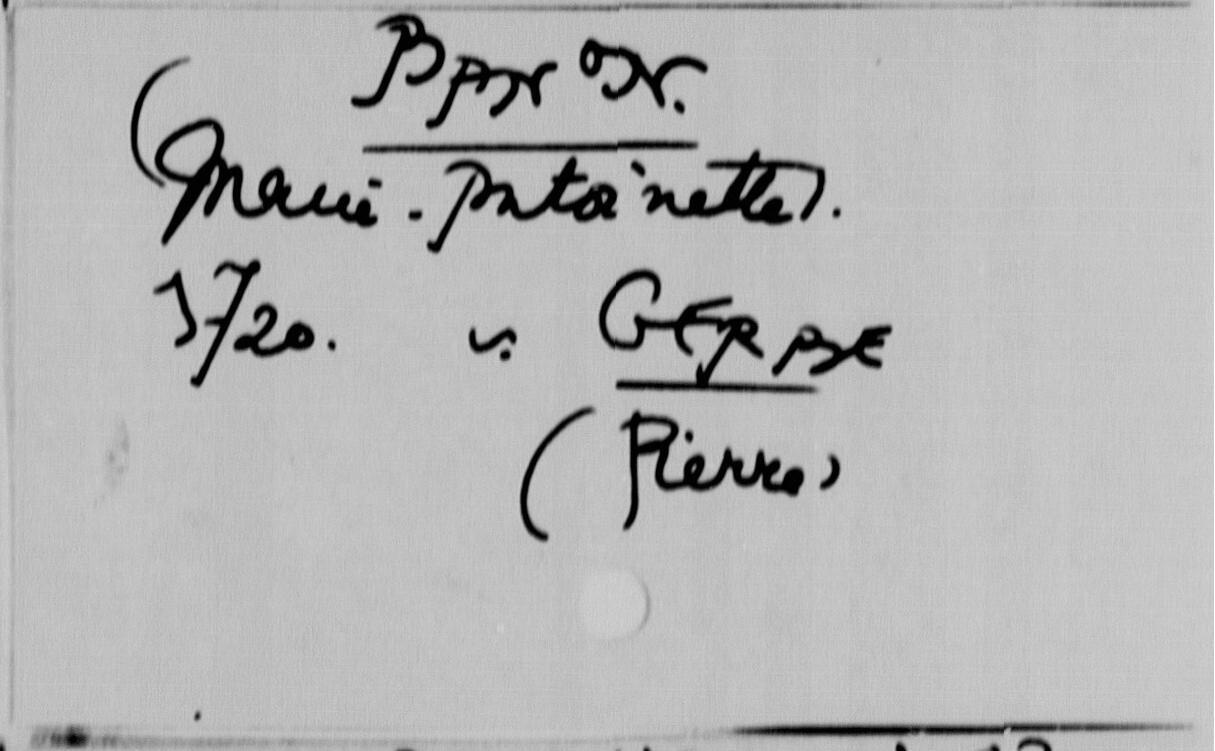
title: BANON (Marie-Antoinette)
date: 1720
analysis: Voir GERBE (Pierre)
